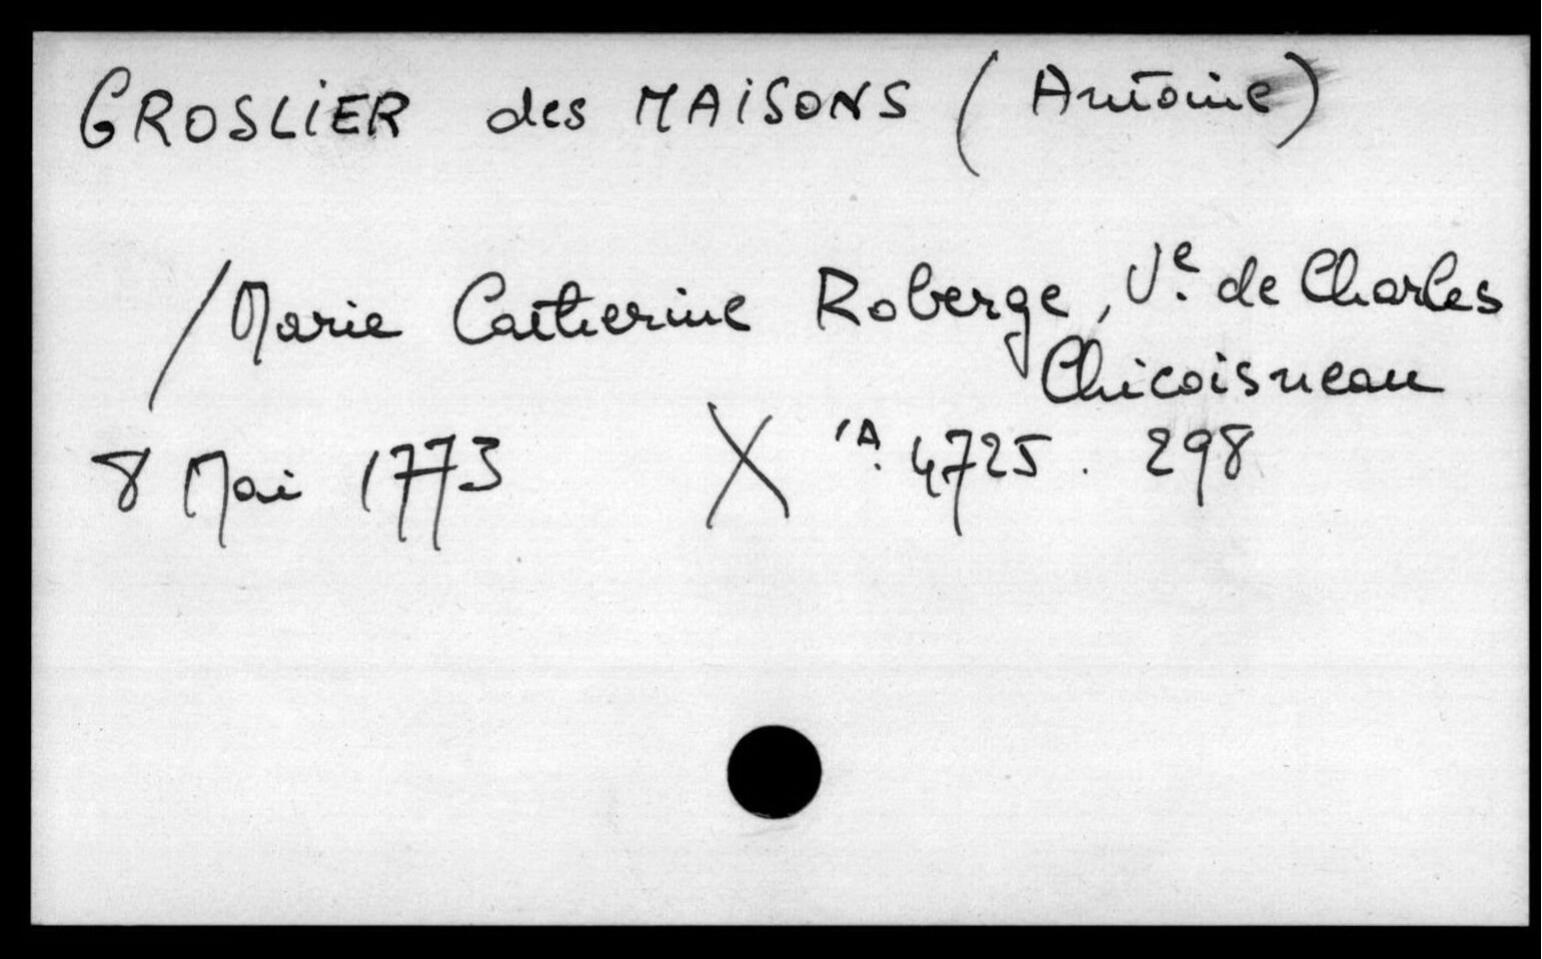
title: GROSLIER des MAISONS (Antoine)
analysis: Contre Marie Catherine Roberge, veuve de Charles Chicoisneau
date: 8 mai 1773
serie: X1A
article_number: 4725
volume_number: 298
